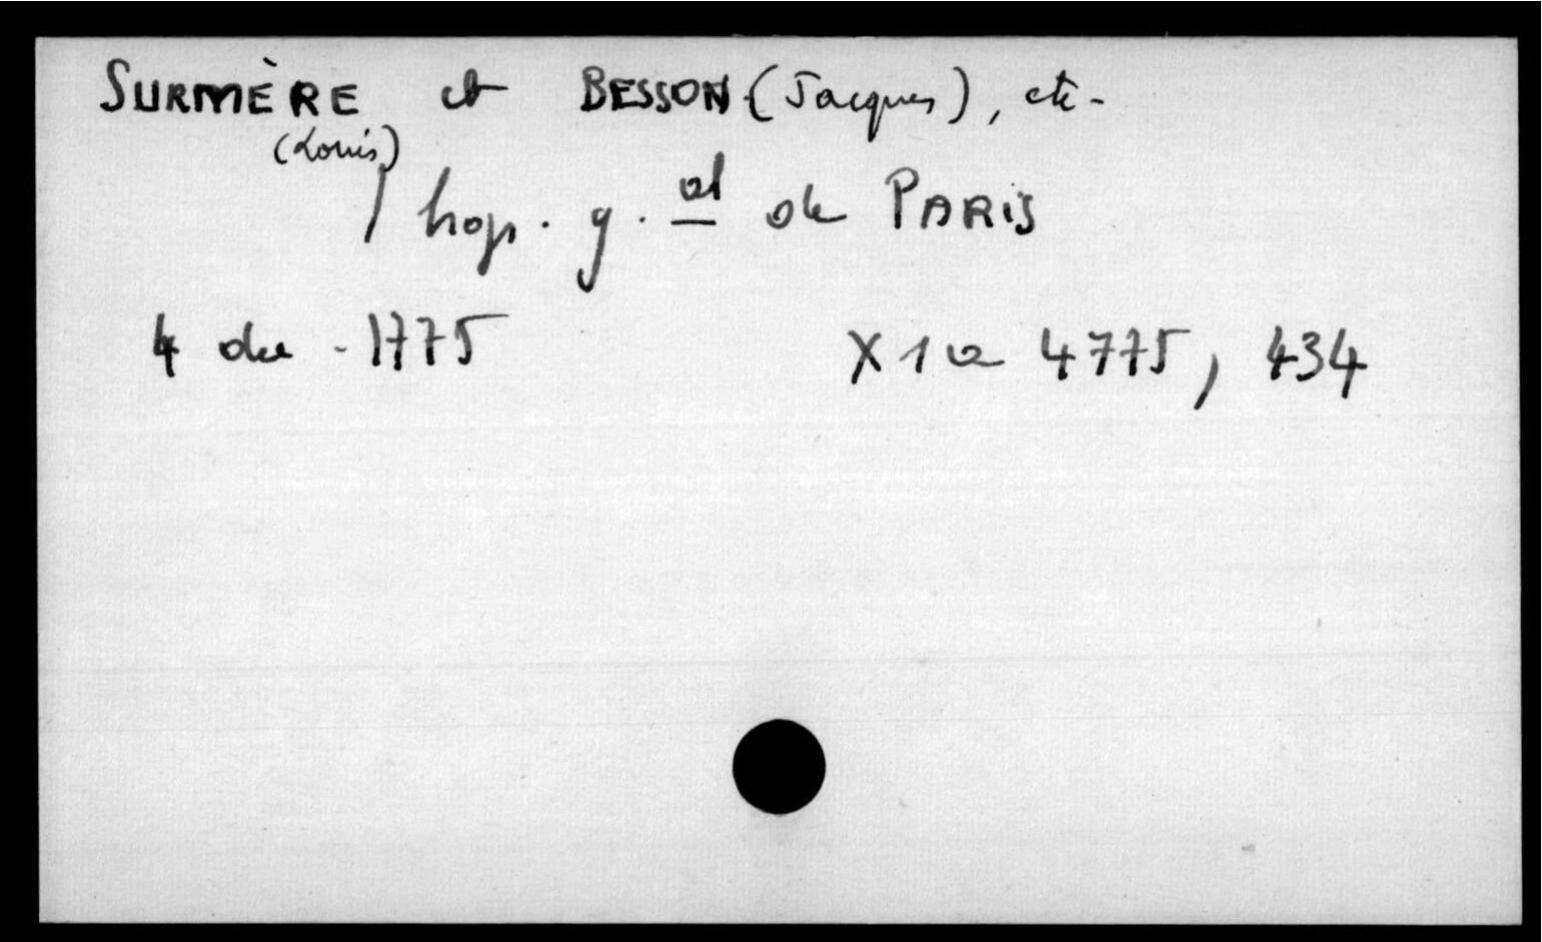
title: SURMÉRE (Louis) et BESSON (Jacques), etc.
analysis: Contre hôpital général de PARIS
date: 4 décembre 1775
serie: X1a
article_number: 4775
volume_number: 434
